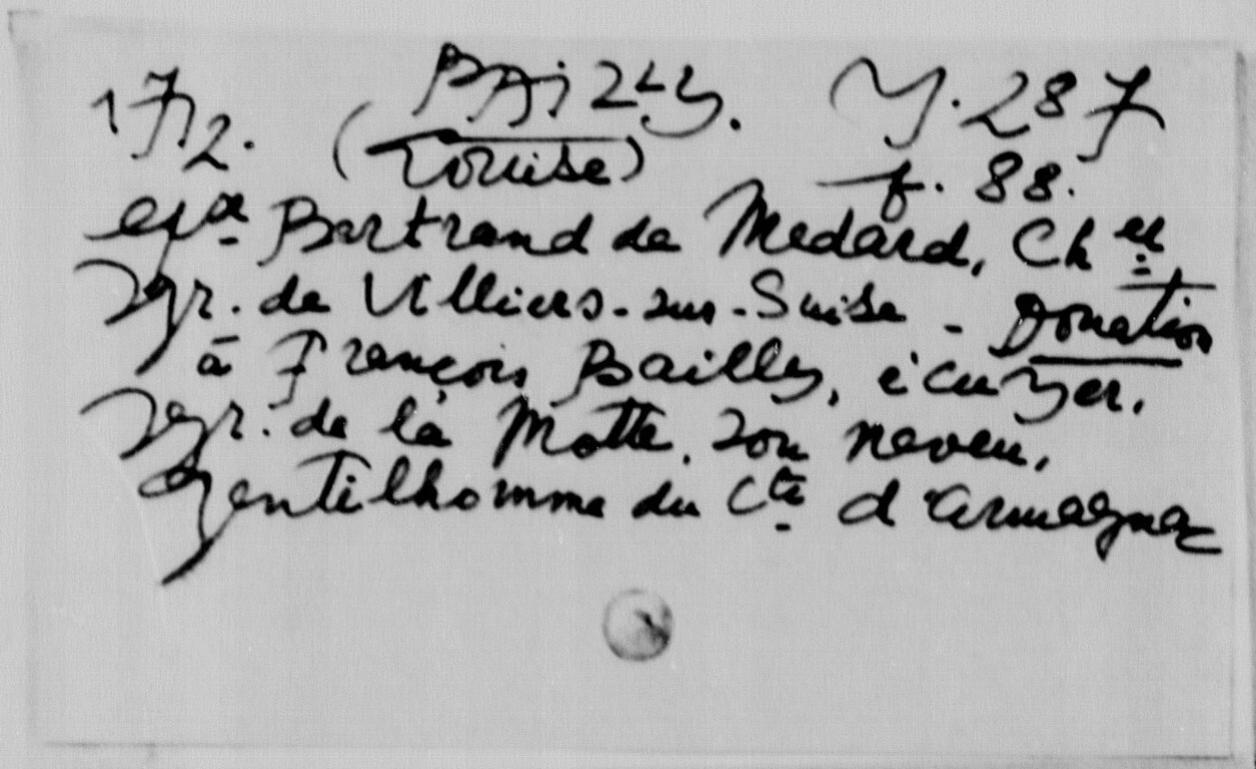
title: BAILLY (Louise)
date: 1712
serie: Y
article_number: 287
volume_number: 88
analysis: Épouse Bertrand de Medard, chevalier, seigneur de Villiers-sur-Suize. Donation à François Bailly, écuyer, seigneur de la Motte, son neveu, gentilhomme du comte d'Armagnac
